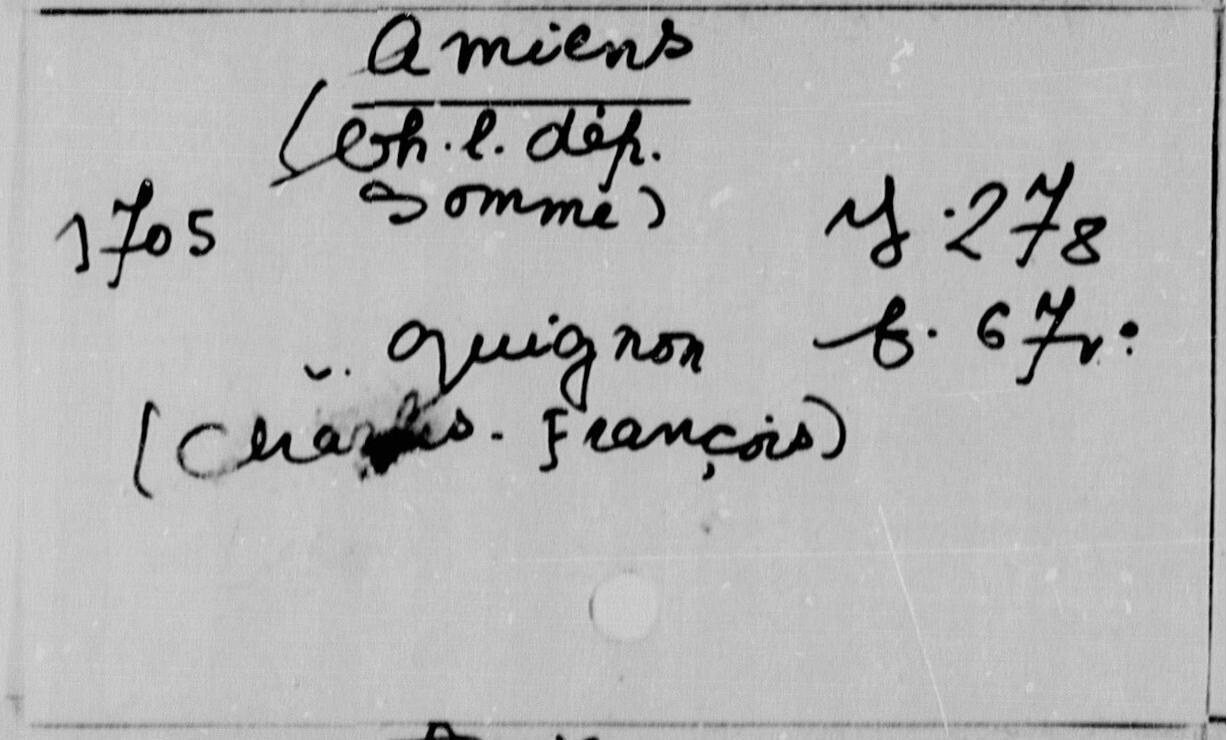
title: Amiens (chef-lieu département Somme)
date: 1705
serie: Y
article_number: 278
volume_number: folio 67 verso
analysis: Voir Guignon (Charles François)
